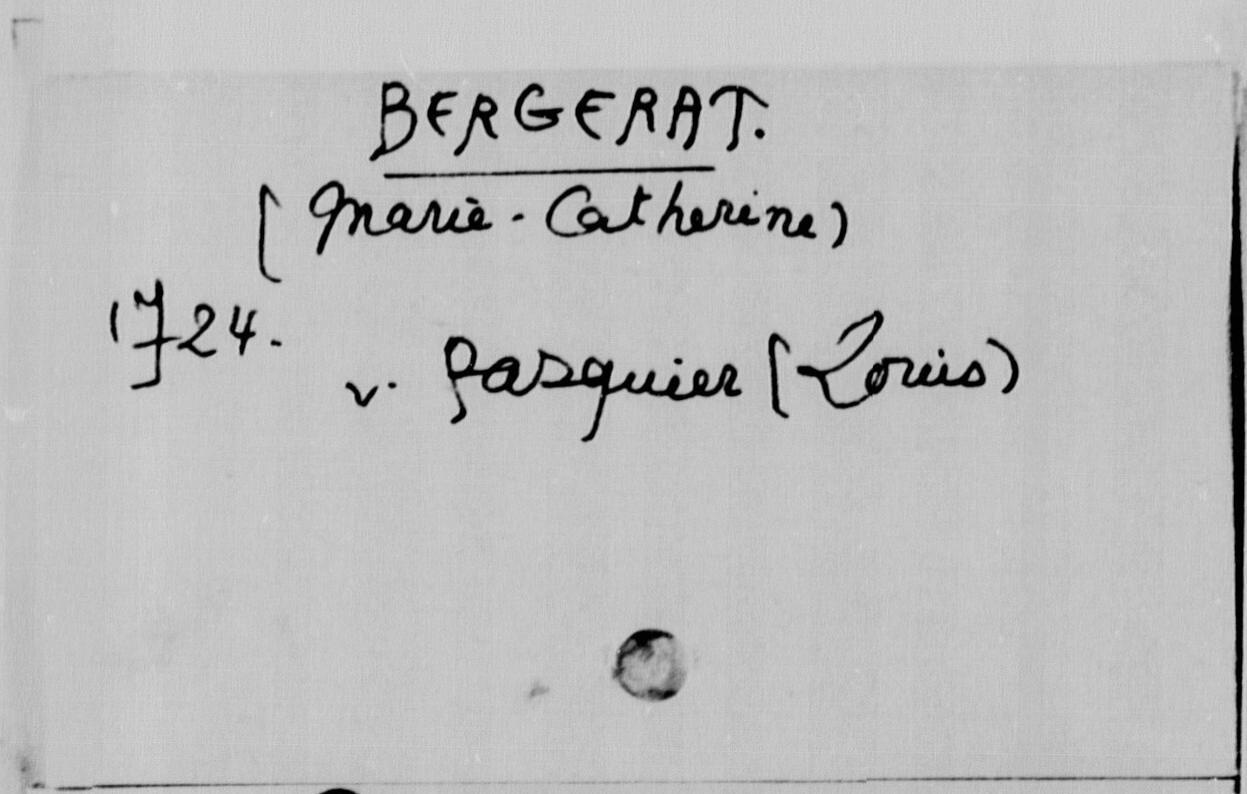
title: BERGERAT (Marie-Catherine)
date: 1724
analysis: Voir : PASQUIER (Louis)
